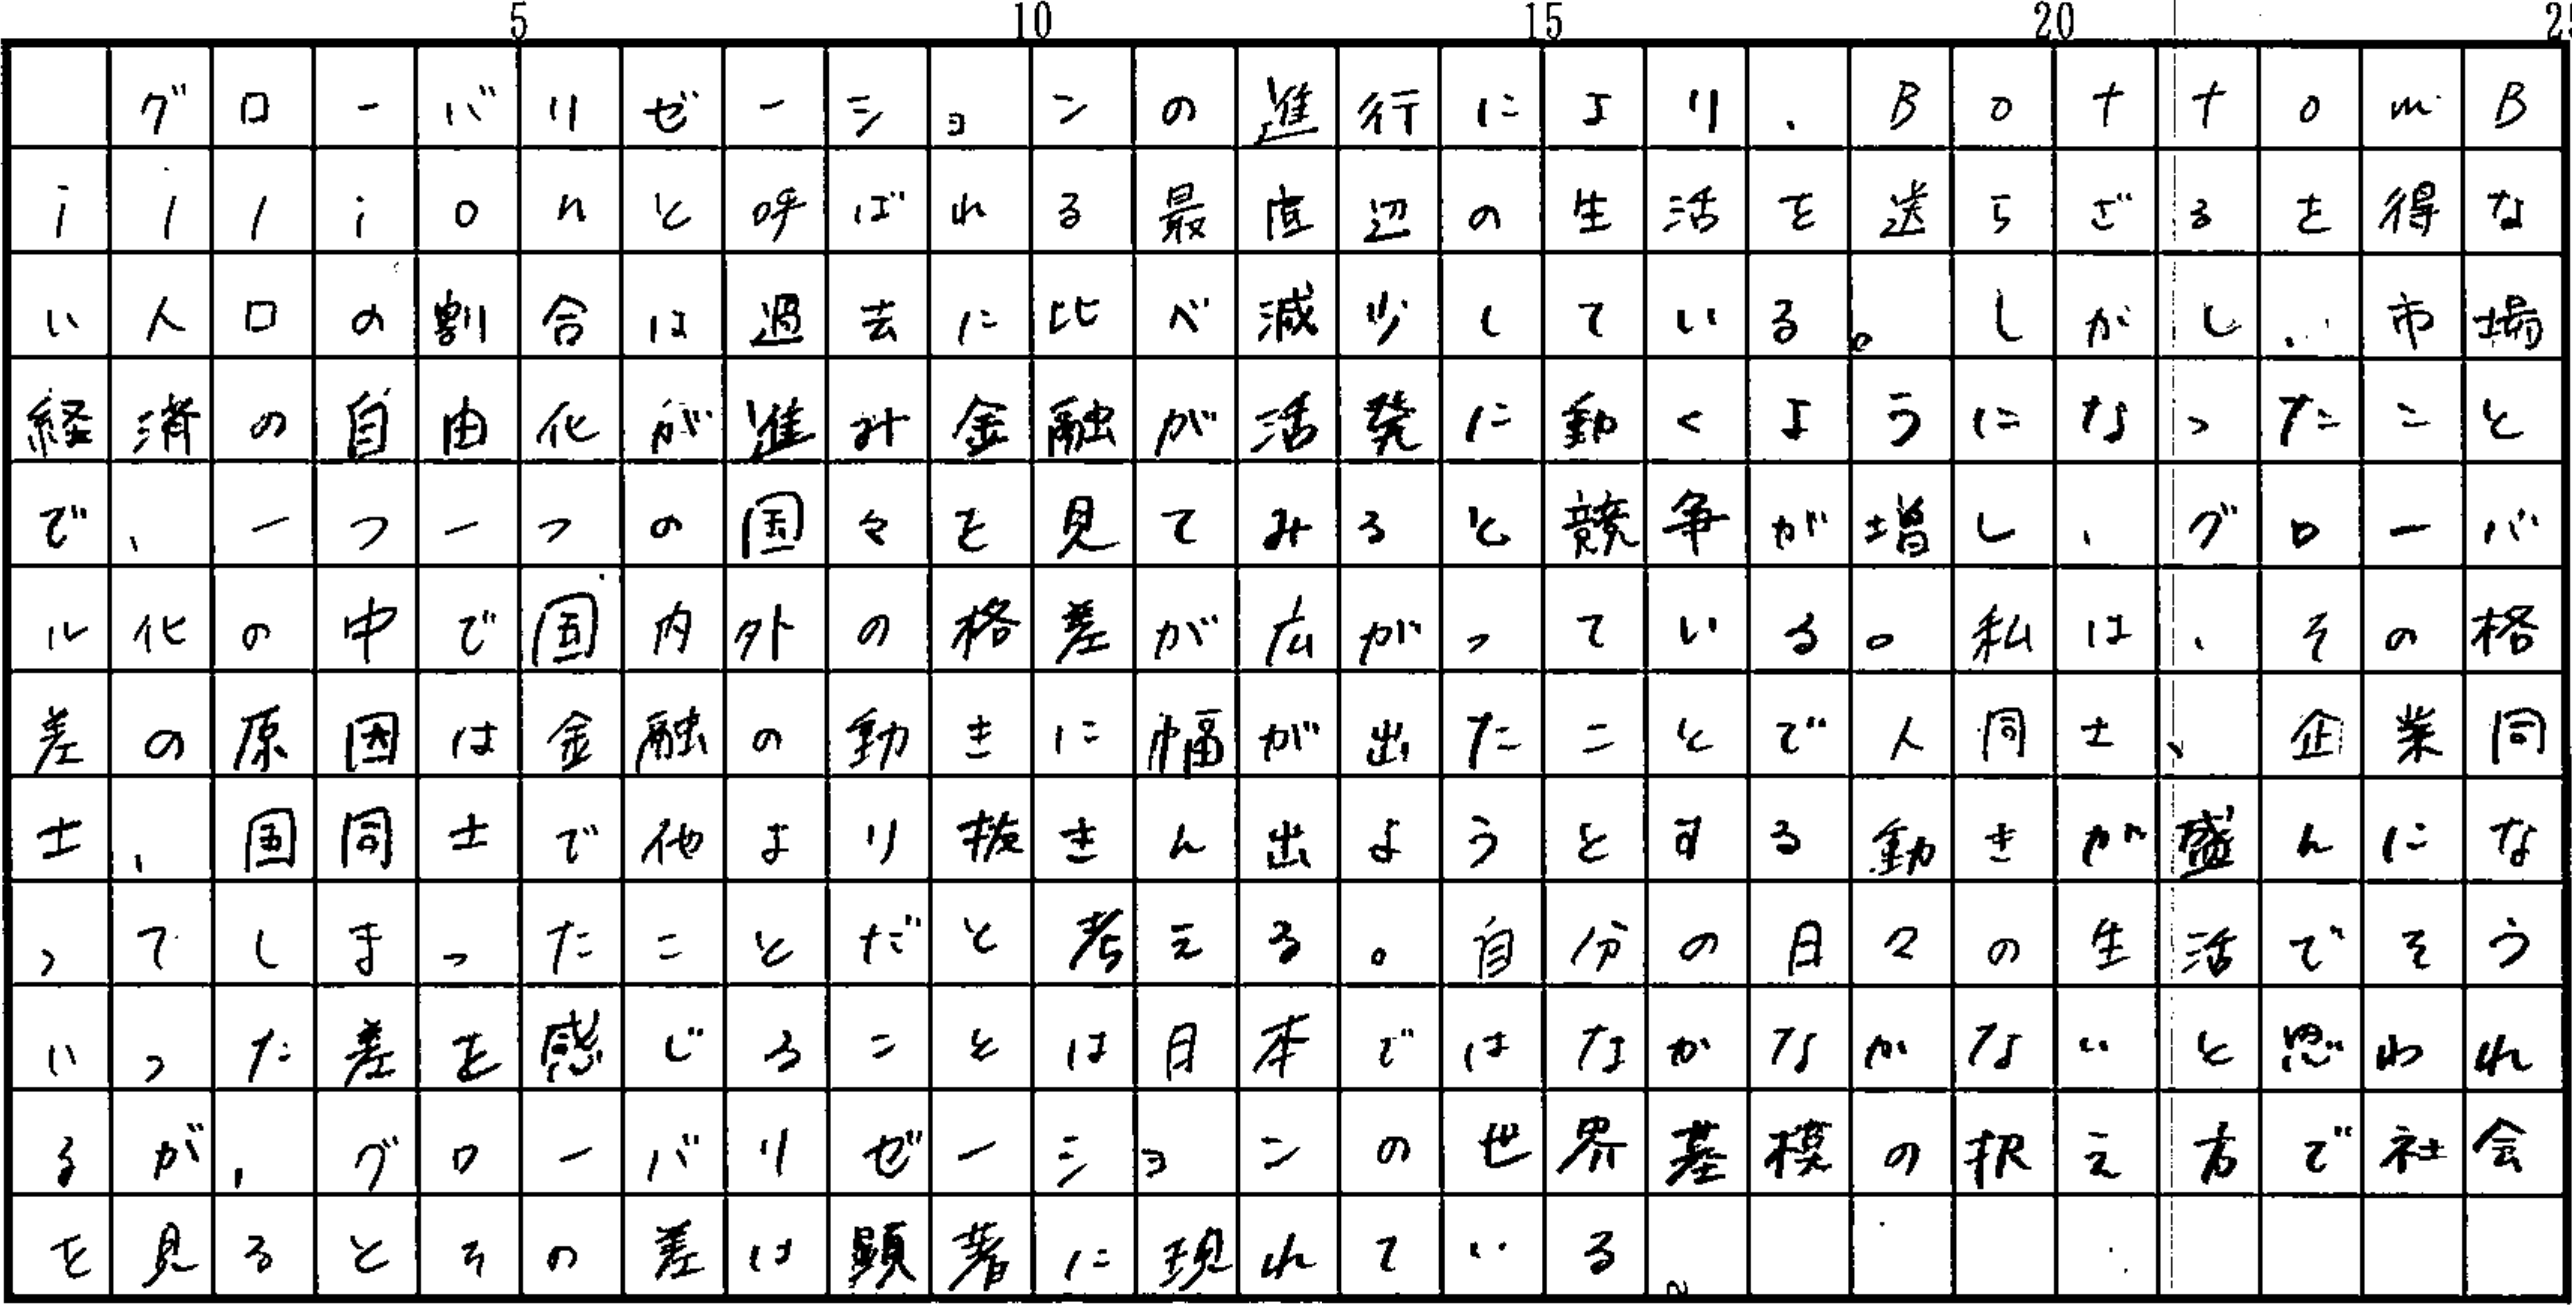　グローバリゼーションの進行により、ＢｏｔｔｏｍＢｉｌｌｉｏｎと呼ばれる最底辺の生活を送らざるを得ない人口の割合は過去に比べ減少している。しかし、市場経済の自由化が進み金融が活発に動くようになったことで、一つ一つの国々を見てみると競争が増し、グローバル化の中で国内外の格差が広がっている。私は、その格差の原因は金融の動きに幅が出たことで人同士、企業同士、国同士で他より抜きん出ようとする動きが盛んになってしまったことだと考える。自分の日々の生活でそういった差を感じることは日本ではなかなかないと思われるが、グローバリゼーションの世界基模の択え方で社会を見るとその差は顕著に現れている。
